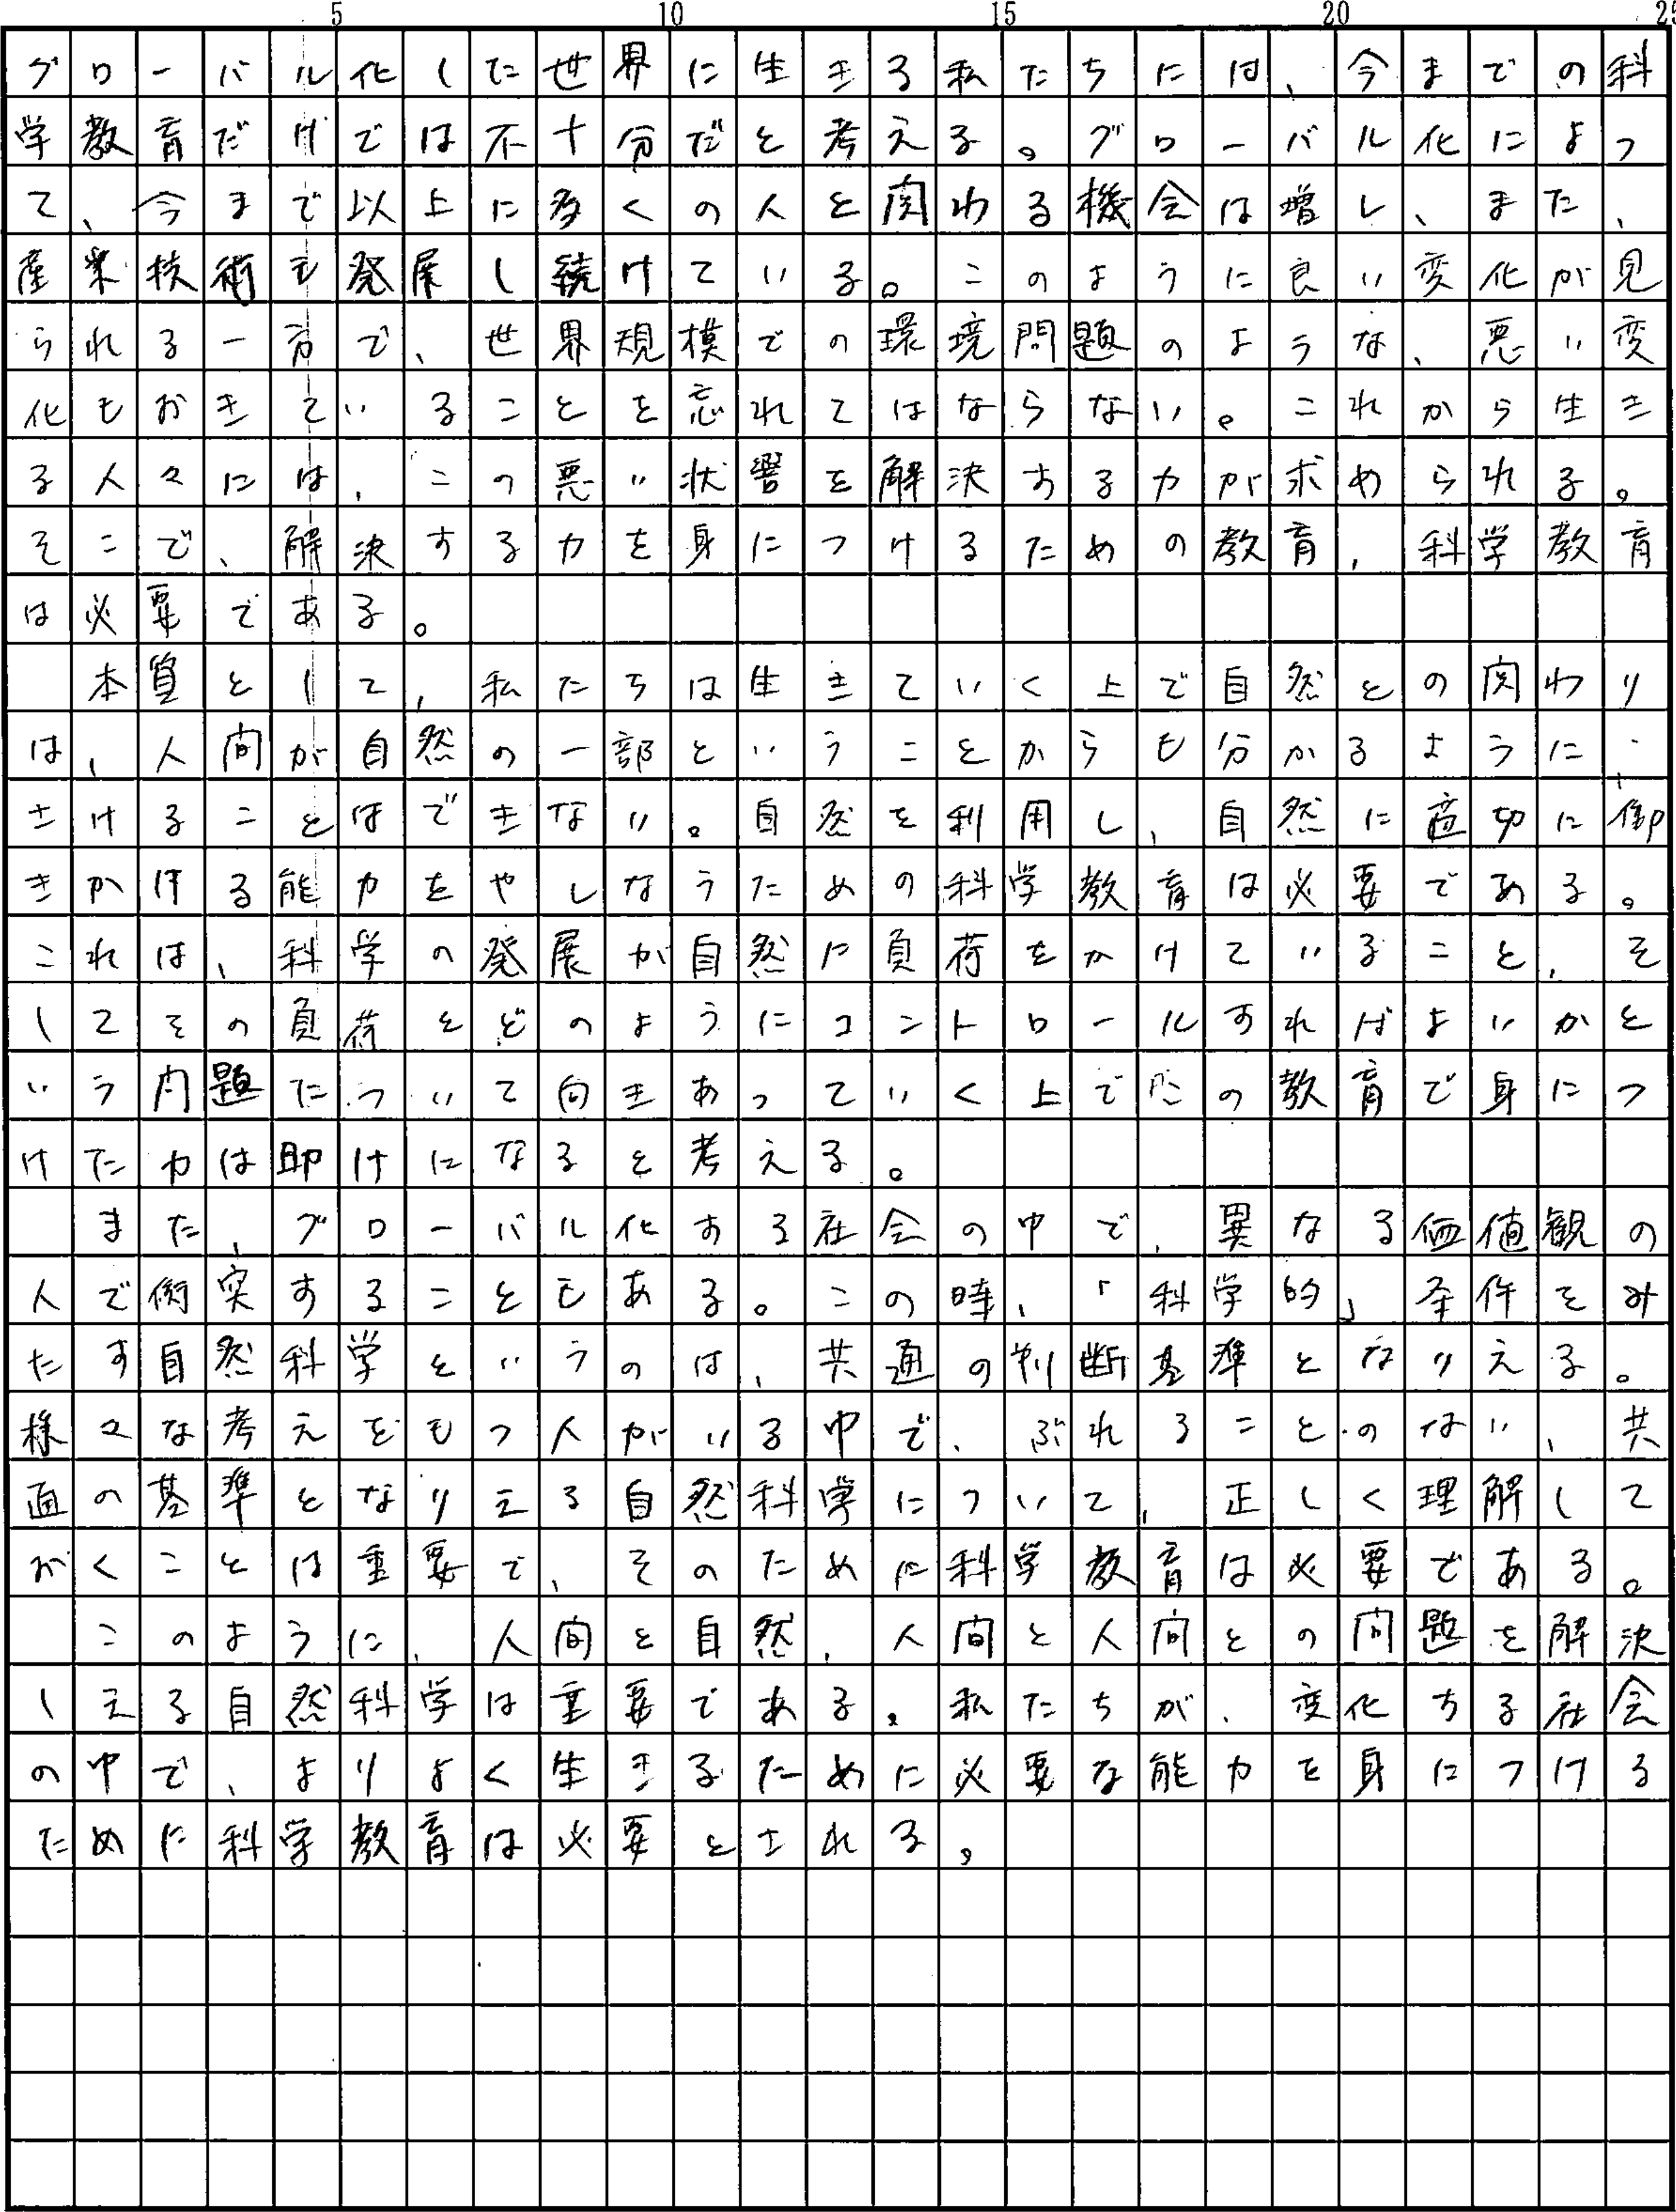グローバル化した世界に生きる私たちには、今までの科学教育だけでは不十分だと考える。グローバル化によって、今まで以上に多くの人と関わる機会は増し、また、産業技術も発展し続けている。このように良い変化が見られる一方で、世界規模での環境問題のような、悪い変化もおきていることを忘れてはならない。これから生きる人々には、この悪い状響を解決する力が求められる。そこで、解決する力を身につけるための教育、科学教育は必要である。
　本質として、私たちは生きていく上で自然との関わりは、人間が自然の一部ということからも分かるように、さけることはできない。自然を利用し、自然に適切に働きかける能力をやしなうための科学教育は必要である。これは、科学の発展が自然に負荷をかけていること、そしてその負荷をどのようにコントロールすればよいかという問題について向きあっていく上でこの教育で身につけた力は助けになると考える。
　また、グローバル化する社会の中で、異なる価値観の人で衡突することもある。この時、「科学的」条件をみたす自然科学というのは、共通の判断基準となりえる。様々な考えをもつ人がいる中で、ぶれることのない、共通の基準となりえる自然科学について、正しく理解しておくことは重要で、そのために科学教育は必要である。
　このように、人間と自然、人間と人間との問題を解決しえる自然科学は重要である。私たちが、変化する社会の中で、よりよく生きるために必要な能力を身につけるために科学教育は必要とされる。
